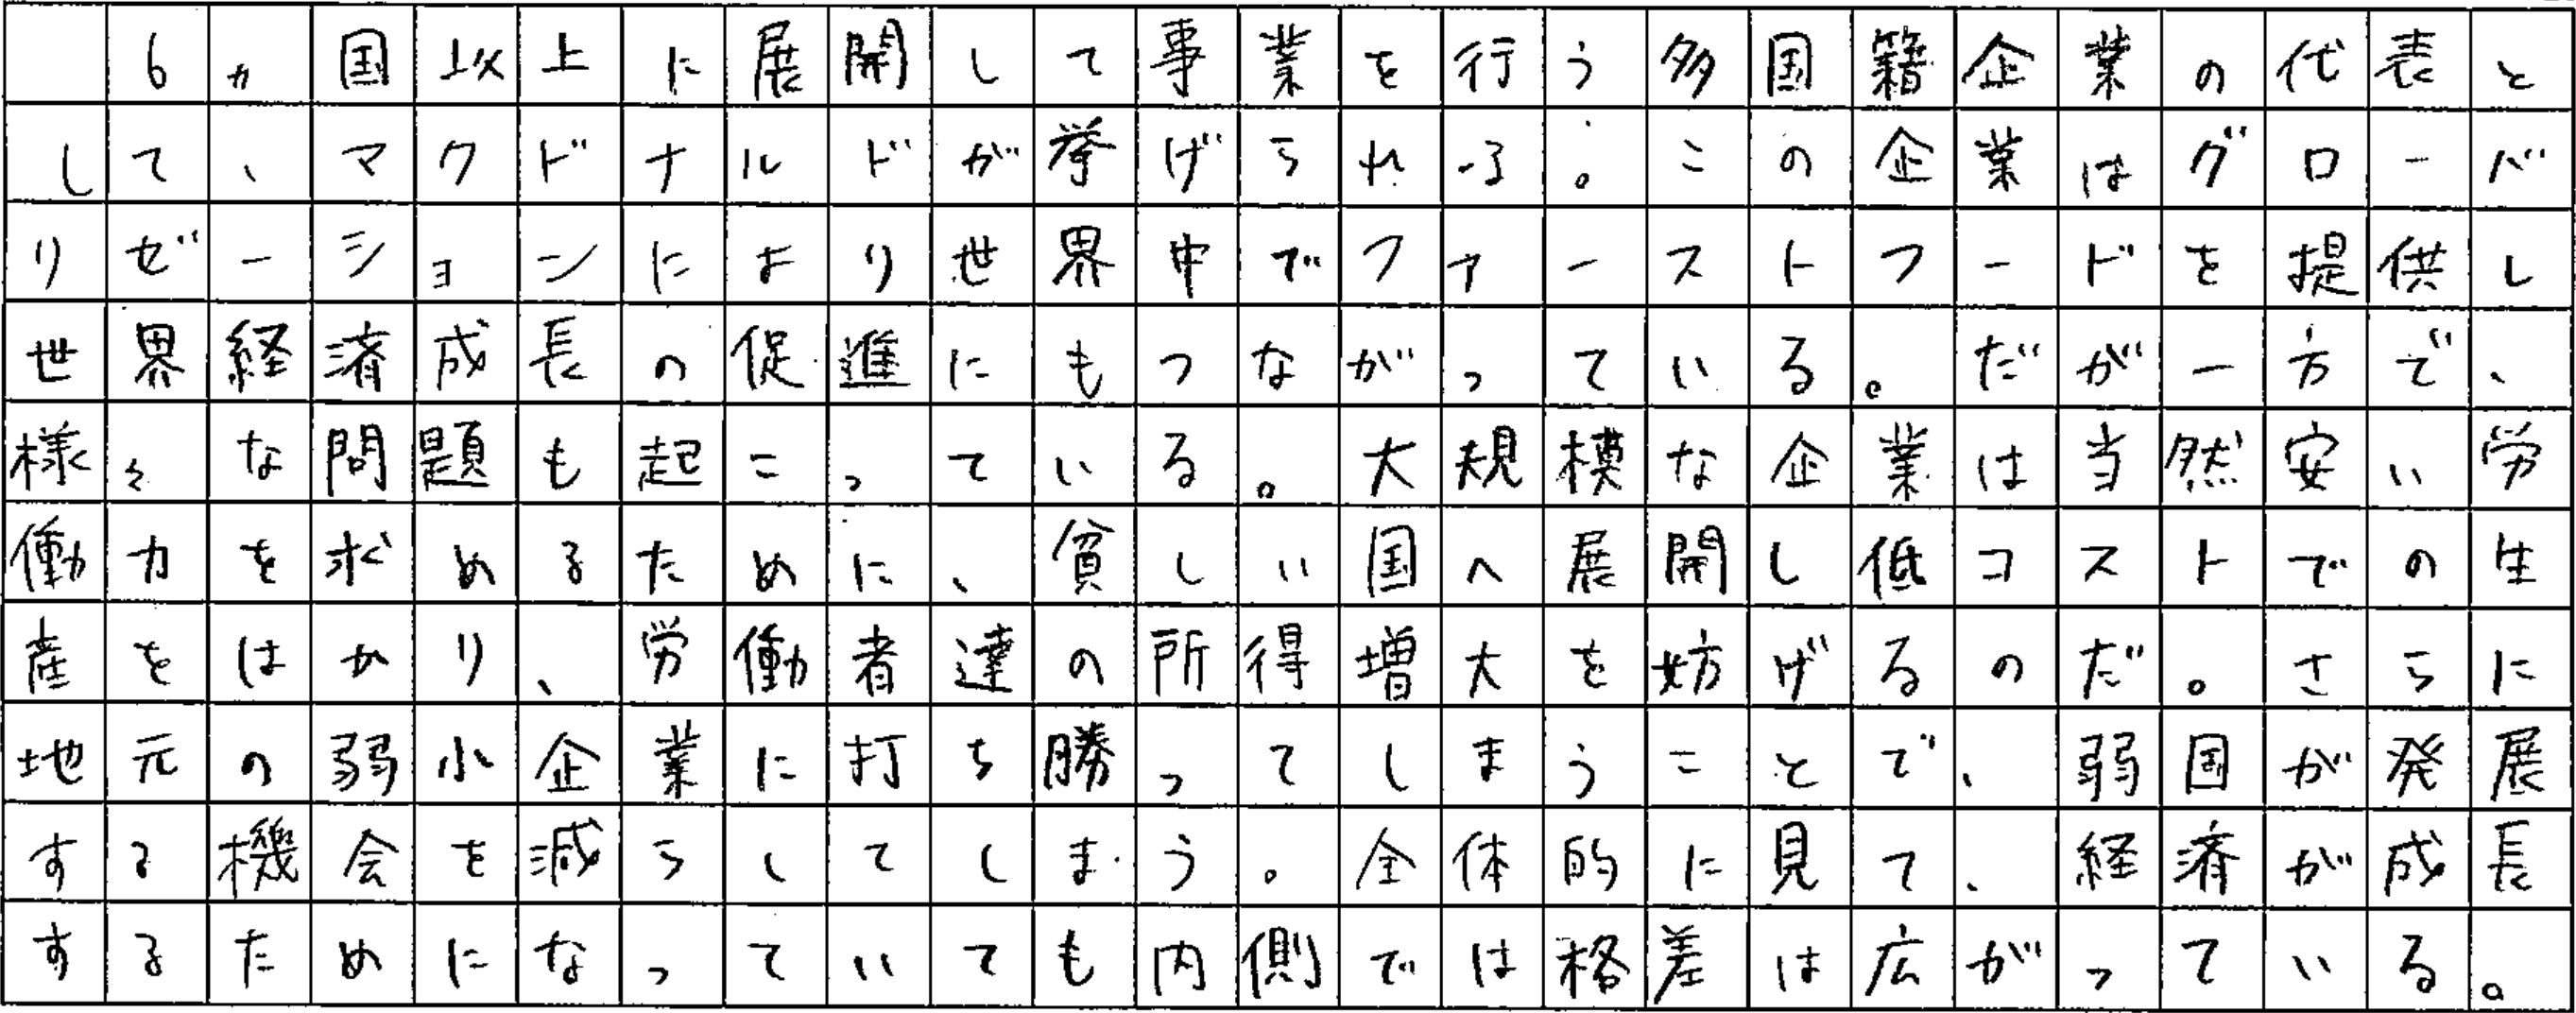　６カ国以上に展開して事業を行う多国籍企業の代表として、マクドナルドが挙げられる。この企業はグローバリゼーションにより世界中でファーストフードを提供し世界経済成長の促進にもつながっている。だが一方で、様々な問題も起こっている。大規模な企業は当然安い労働力を求めるために、貧しい国へ展開し低コストでの生産をはかり、労働者達の所得増大を妨げるのだ。さらに地元の弱小企業に打ち勝ってしまうことで、弱国が発展する機会を減らしてしまう。全体的に見て、経済が成長するためになっていても内側では格差は広がっている。
